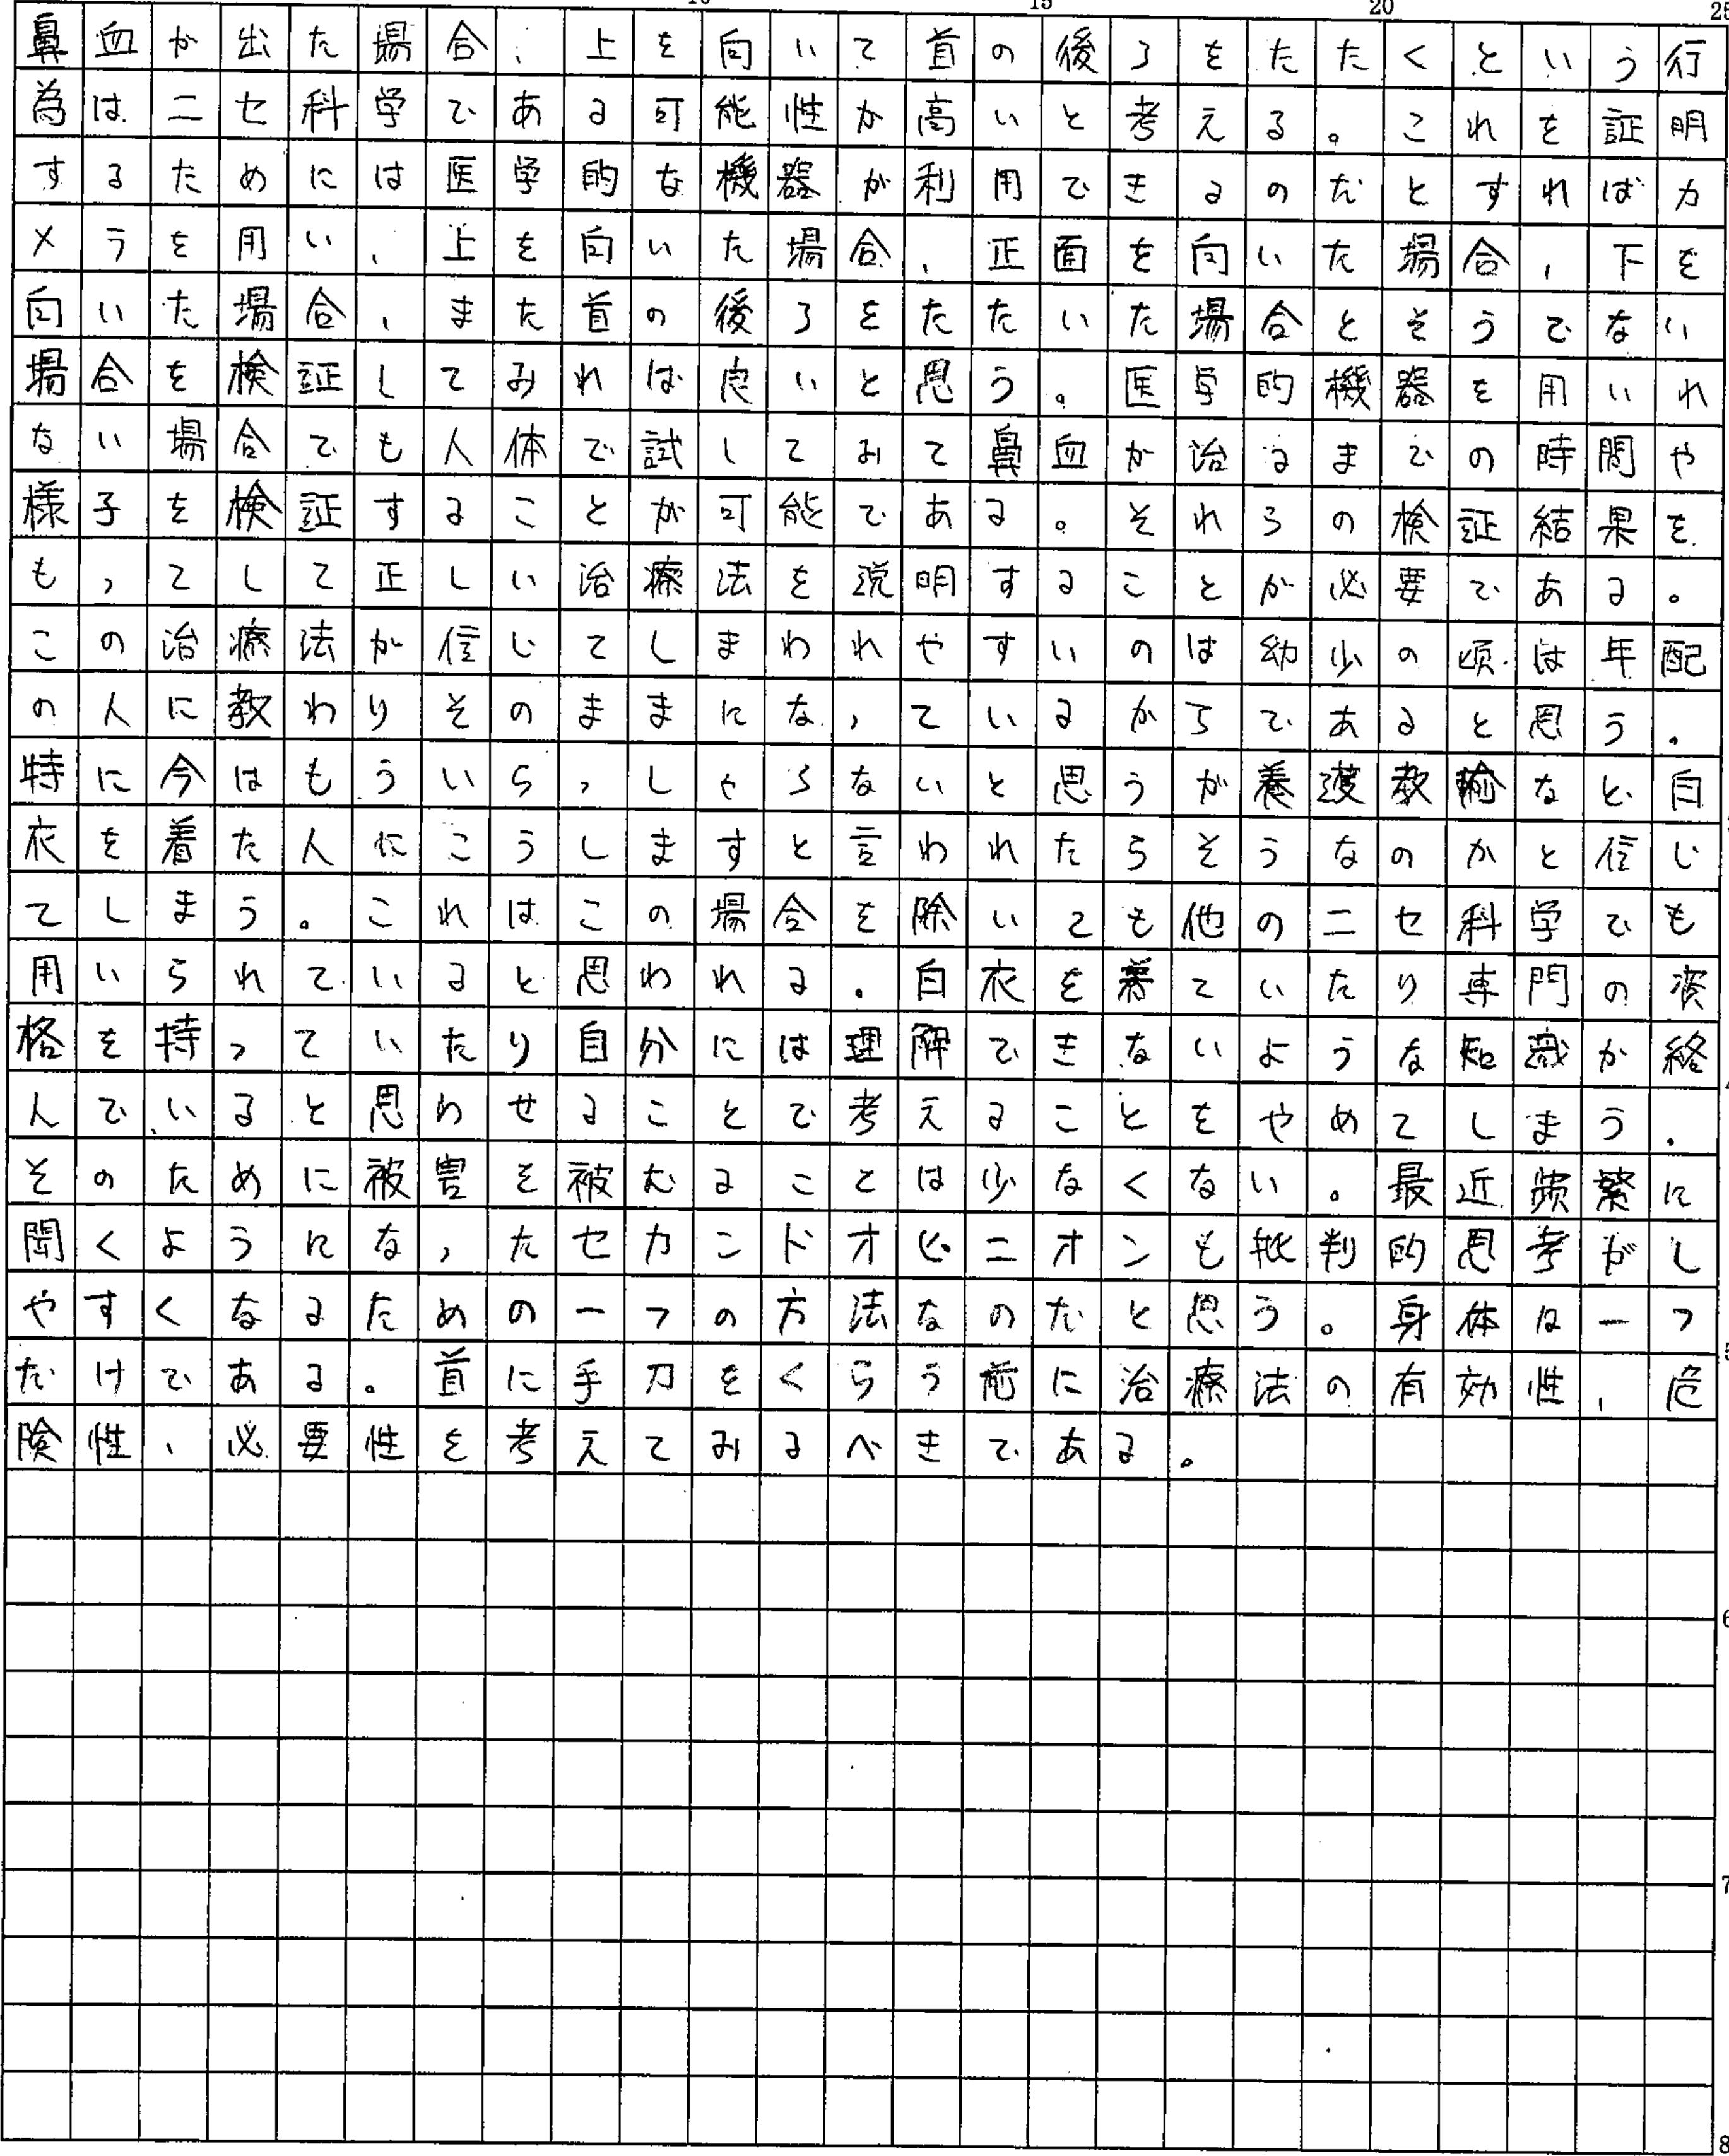鼻血が出た場合、上を向いて首の後ろをたたくという行為はニセ科学である可能性が高いと考える。これを証明するためには医学的な機器が利用できるのだとすればカメラを用い、上を向いた場合、正面を向いた場合、下を向いた場合、また首の後ろをたたいた場合とそうでない場合を検証してみれば良いと思う。医学的機器を用いれない場合でも人体で試してみて鼻血が治るまでの時問や様子を検証することが可能である。それらの検証結果をもってして正しい治療法を説明することが必要である。この治療法が信じてしまわれやすいのは幼少の頃は年配の人に教わりそのままになっているからであると思う。特に今はもういらっしゃらないと思うが養護教諭など白衣を着た人にこうしますと言われたらそうなのかと信じてしまう。これはこの場合を除いても他のニセ科学でも用いられていると思われる。白衣を着ていたり専門の資格を持っていたり自分には理解できないような知識が絡んでいると思わせることで考えることをやめてしまう。そのために被害を被むることは少なくない。最近頻繁に聞くようになったセカンドオピニオンも批判的思考がしやすくなるための一つの方法なのだと思う。身体は一つだけである。首に手刀をくらう前に治療法の有効性、危険性、必要性を考えてみるべきである。
